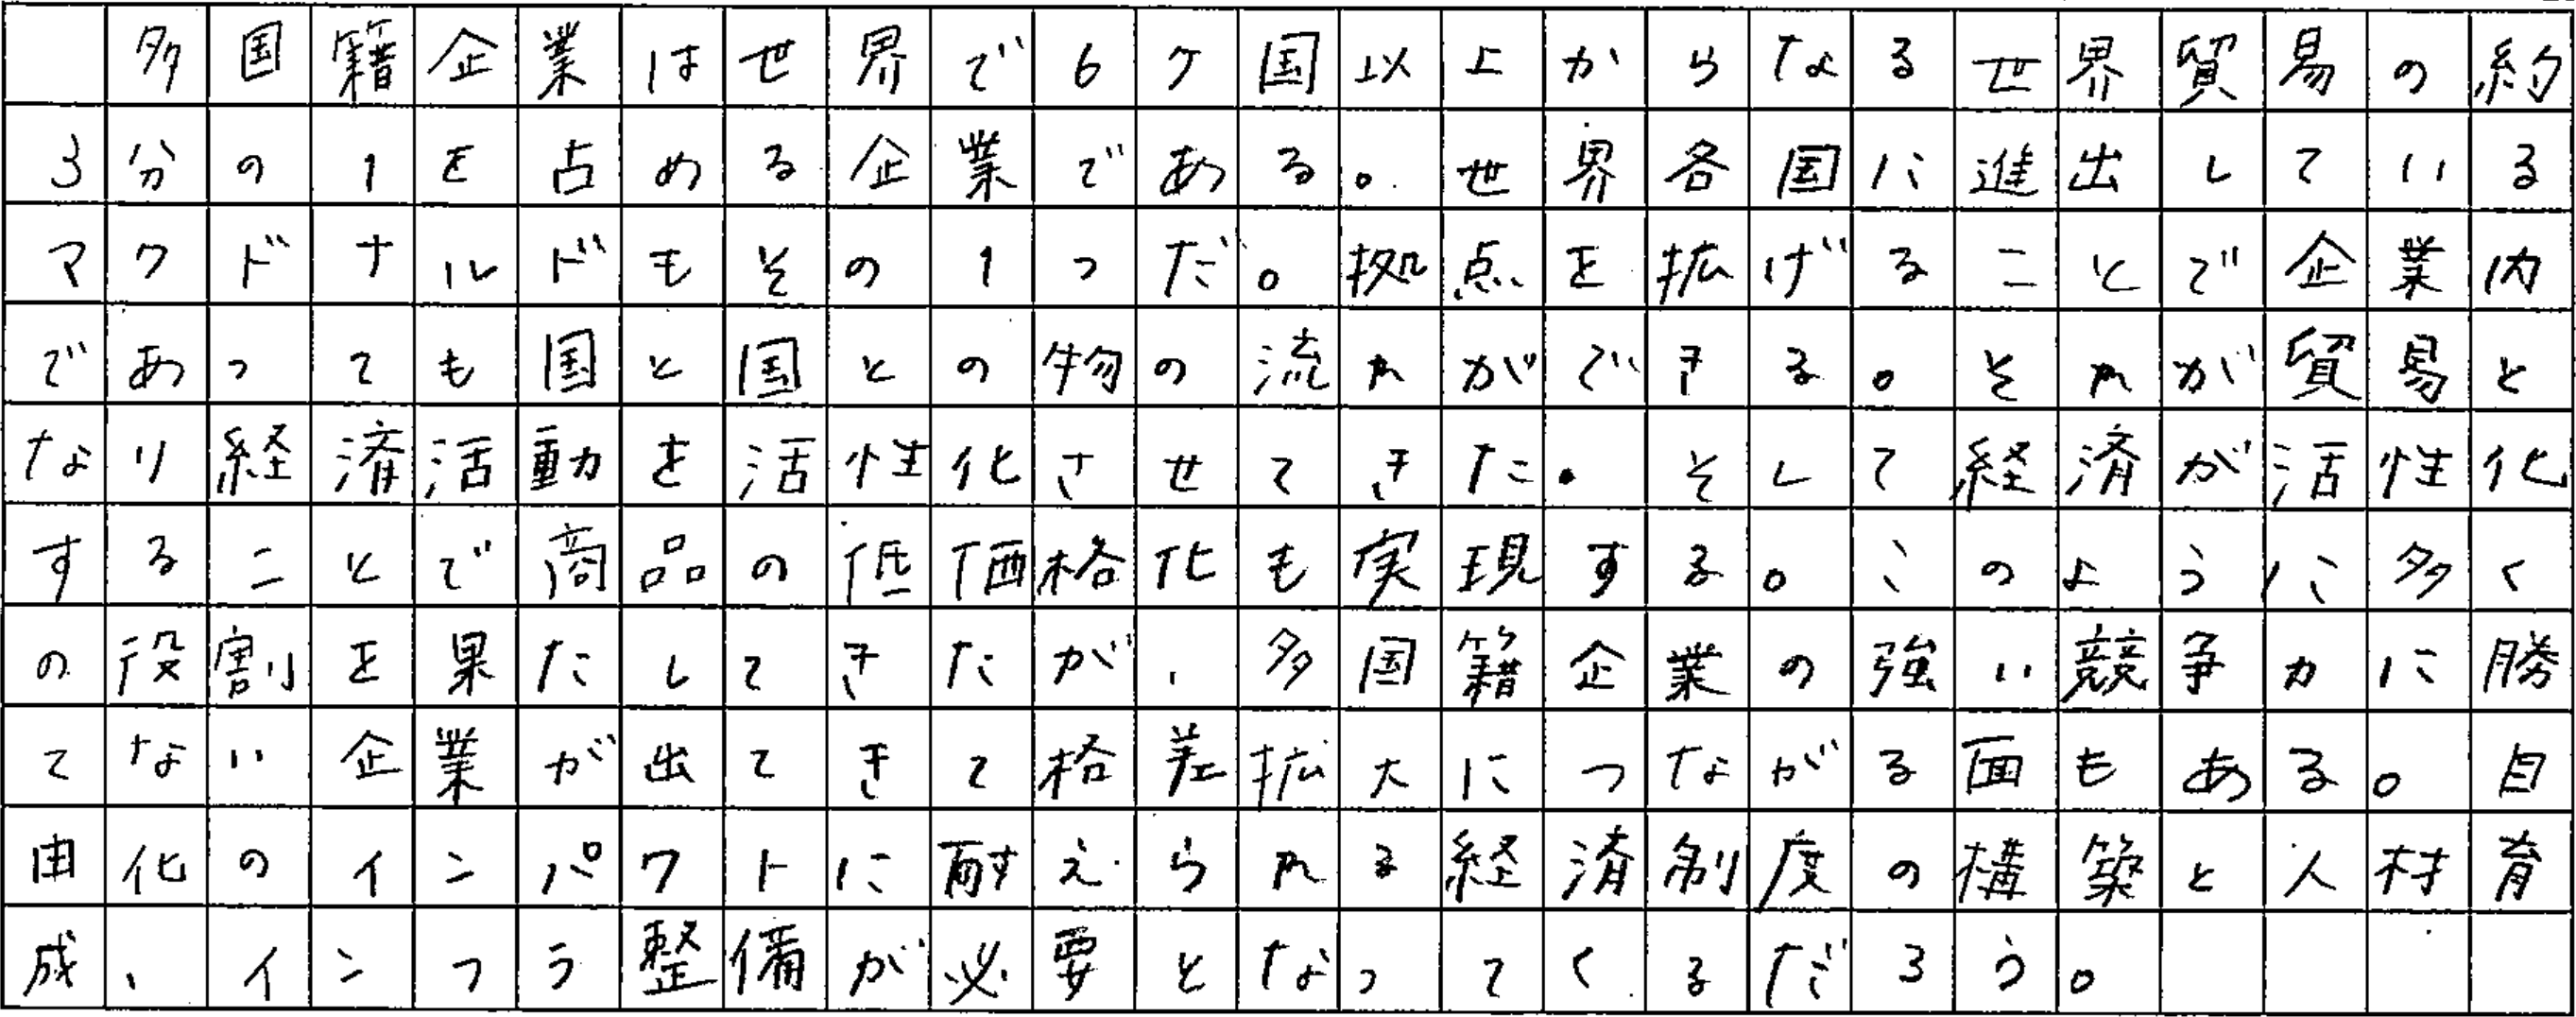　多国籍企業は世界で６ヶ国以上からなる世界貿易の約３分の１を占める企業である。世界各国に進出しているマクドナルドもその１つだ。拠点を拡げることで企業内であっても国と国との物の流れができる。それが貿易となり経済活動を活発化させてきた。そして経済が活性化することで商品の低価格化も実現する。このように多くの役割を果たしてきたが、多国籍企業の強い競争力に勝てない企業が出てきて格差拡大につながる面もある。自由化のインパクトに耐えられる経済制度の構築と人材育成、インフラ整備が必要となってくるだろう。
